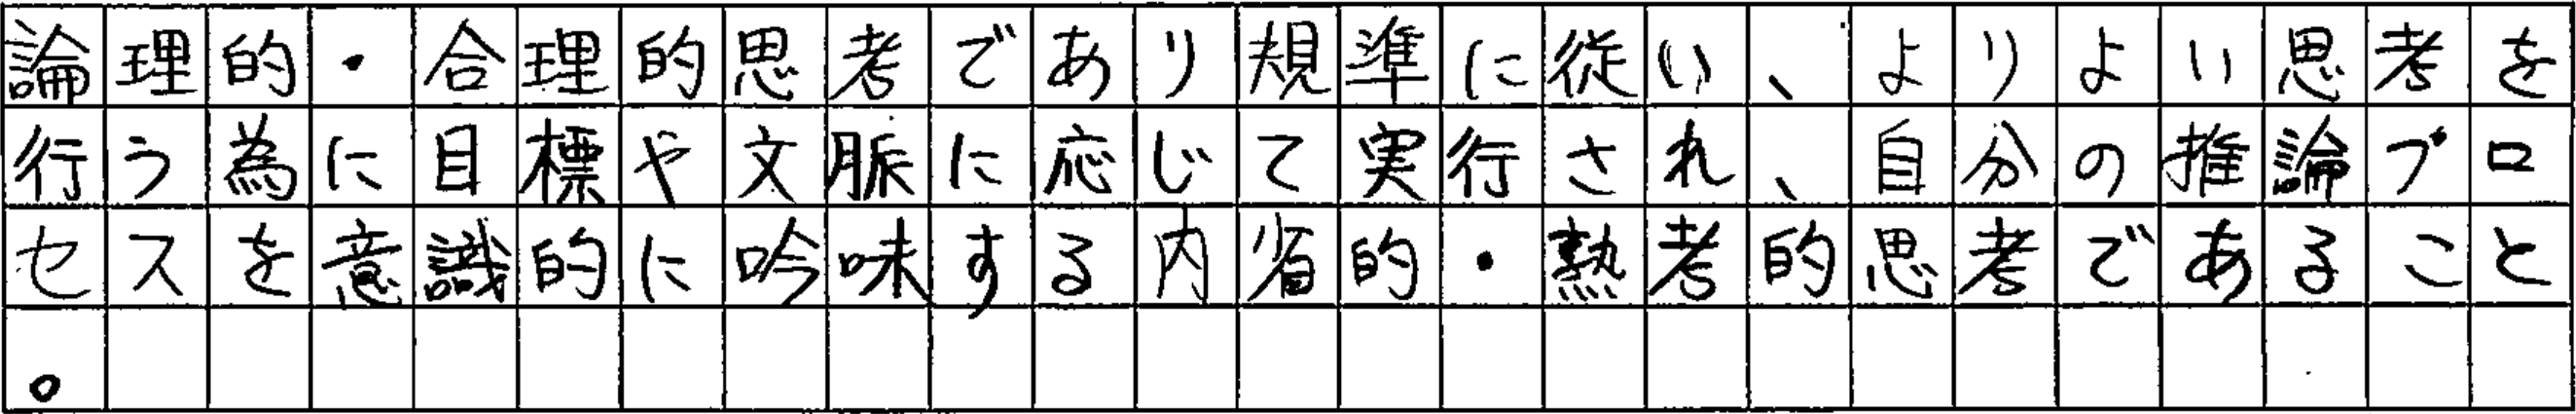論理的・合理的思考であり規準に従い、よりよい思考を行う為に目標や文脈に応じて実行され、自分の推論プロセスを意識的に吟味する内省的・熟考的思考であること。
